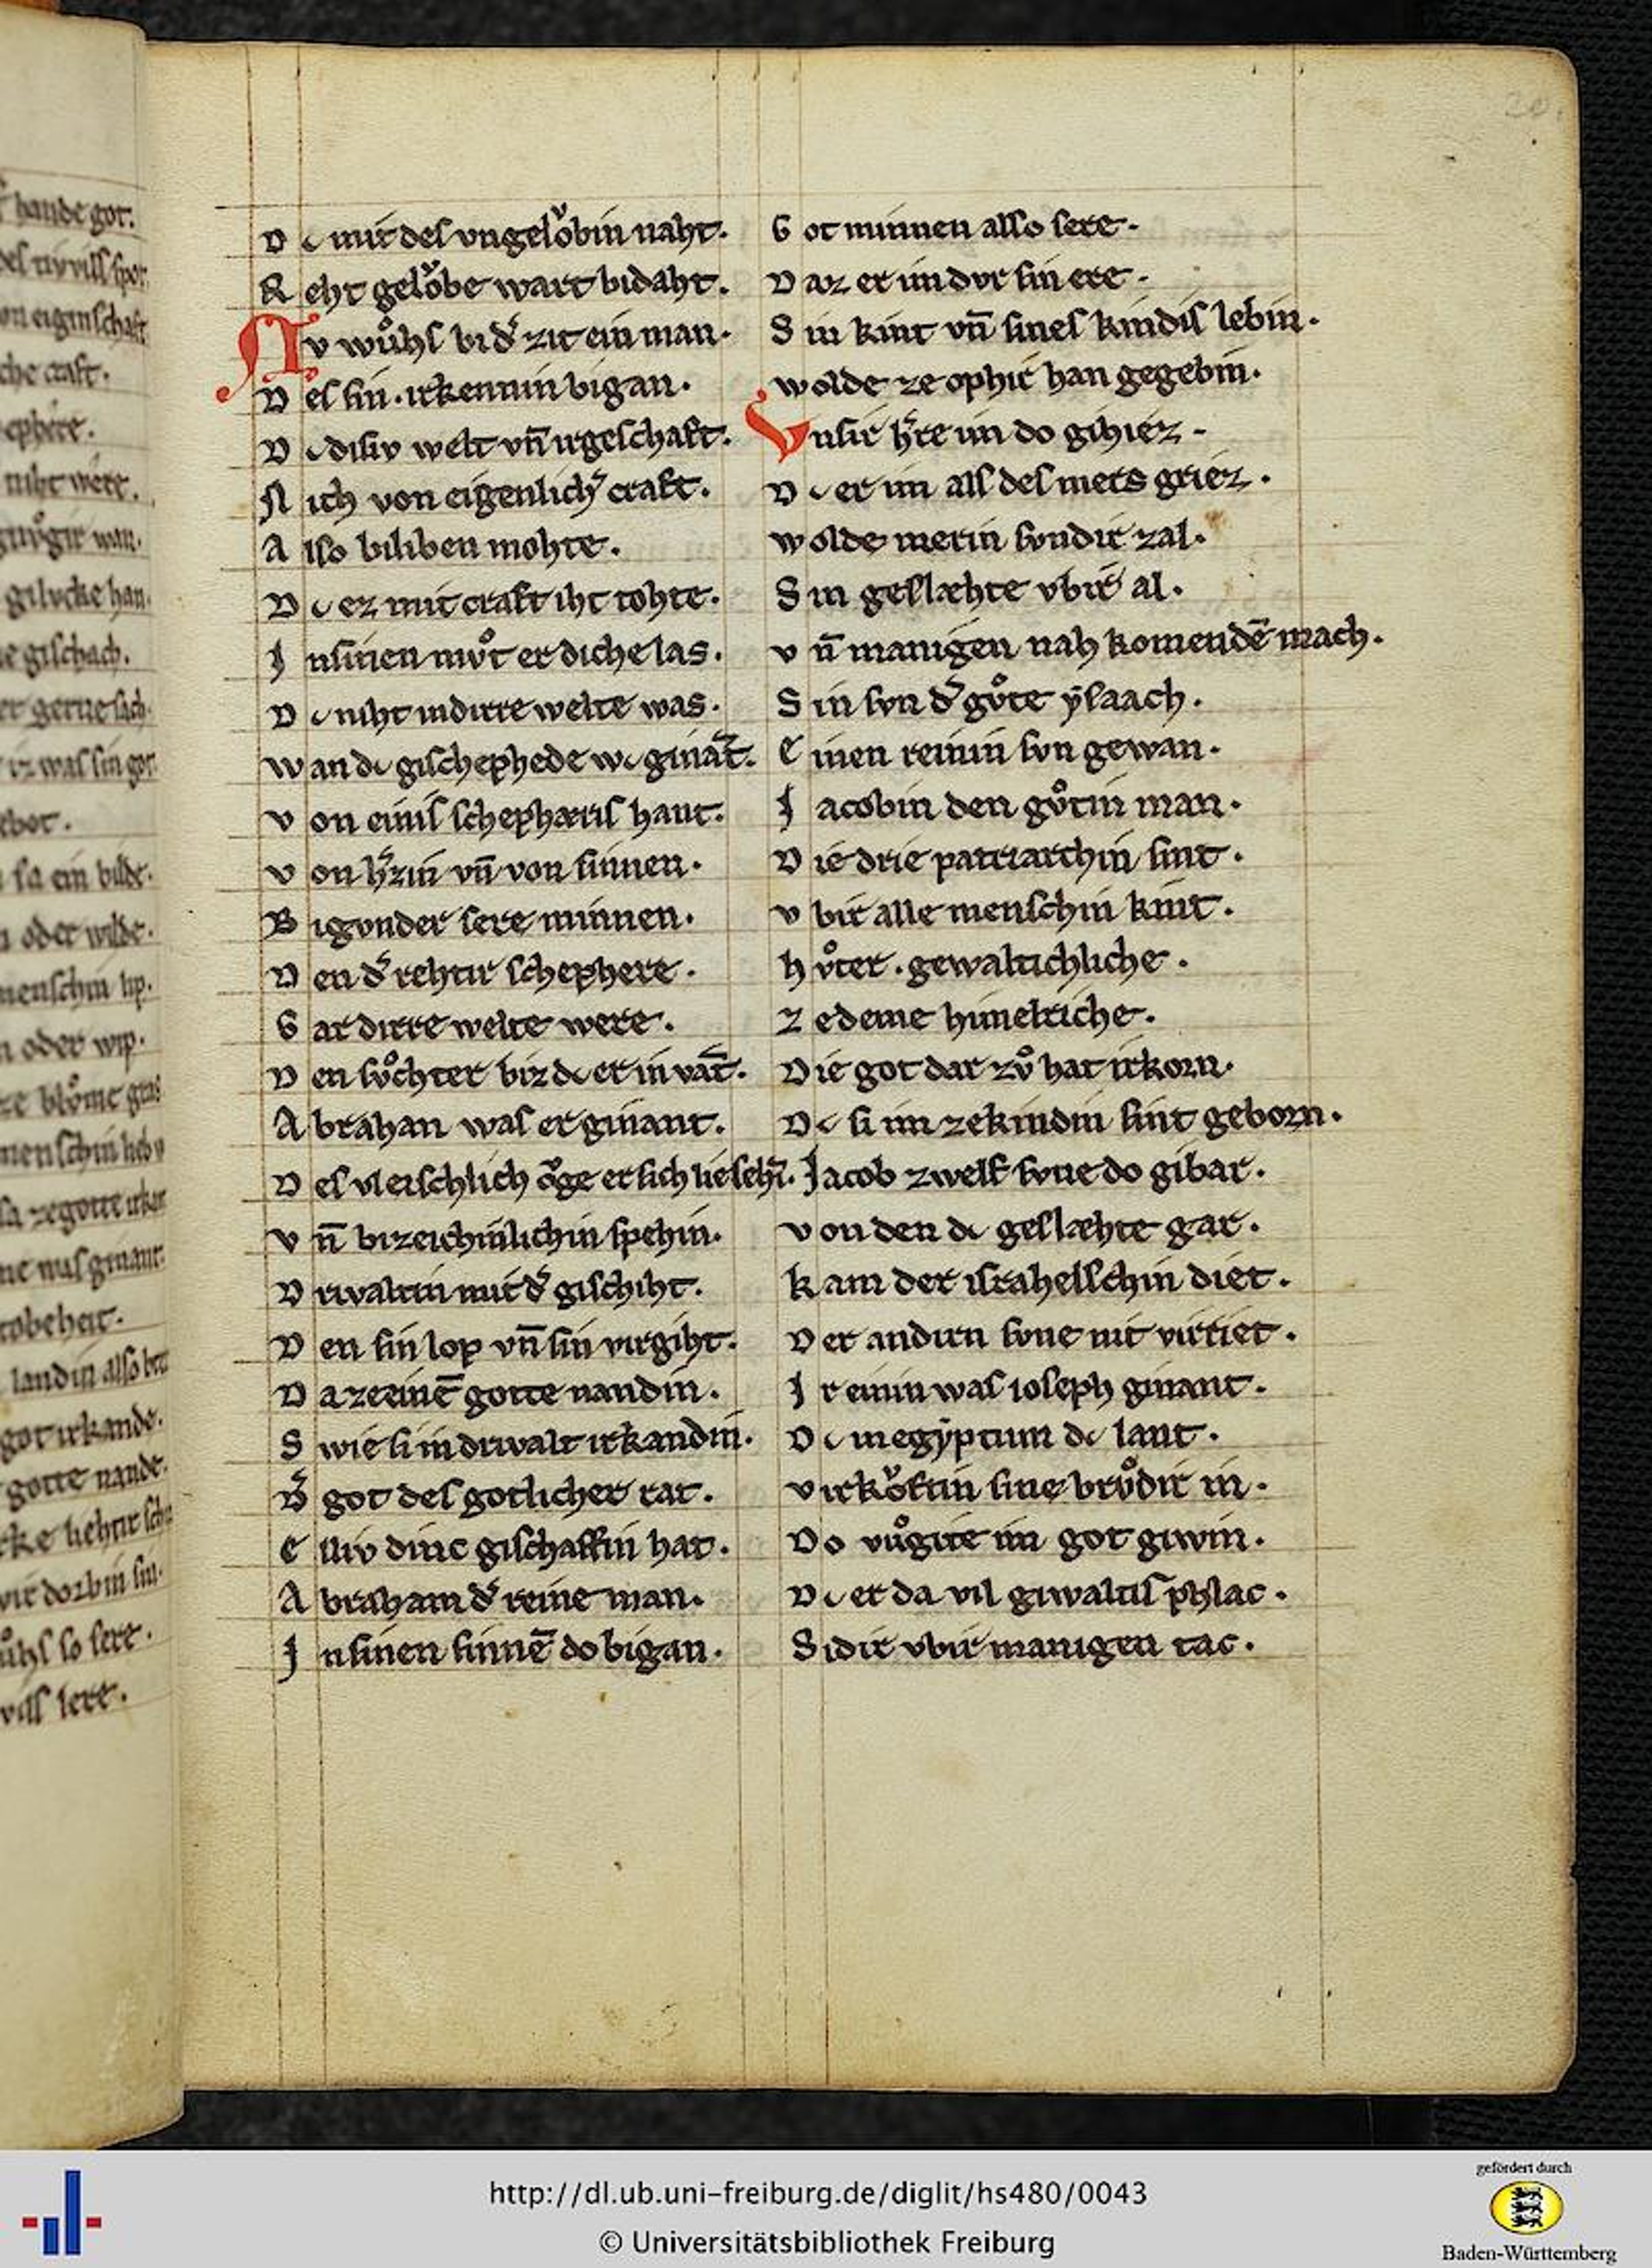Daz mit deſ vngelo°vbin naht.
Reht gelo°vbe wart bidaht.
*Nv wu°ohſ bid(er) zit ein man.
Deſ ſin. irkennin bigan.
D(az) diſiv welt vn(d) irgeſchaft.
Nich von eigenlich(er) craft.
Alſo biliben mohte.
D(az) ez mit craft iht tohte.
Inſinen mv°ot er diche las.
D(az) niht indirre welte was.
Wan d(az) giſchephede w(az) gina(n)t.
Von einiſ ſcheph[ae]riſ hant.
Von h(er)zin vn(d) von ſinnen.
Bigvnder ſere minnen.
Den d(er) rehtir ſchephere.
Gar dirre welte were.
Den ſv°ochter biz d(az) er in va(n)t.
Abrahan waſ er ginant.
Deſ vleiſchlich o°vge er ſich lie ſehi(n).
Vn(d) bizeichinlichin ſpehin.
Drivaltin mit d(er) giſchiht.
Den ſin lop vn(d) ſin virgiht.
Da zeeine(m) gotte nandin.
Swie ſi in drivalt irkandin.
D(er) got deſ gotlicher rat.
Elliv dinc giſchaffin hat.
Abraham d(er) reine man.
In ſinen ſinne(n) do bigan.
Got minnen alſo ſere.
Daz er im dvr ſin ere.
Sin kint vn(d) ſineſ kindiſ lebin.
Wolde ze ophir han gegebin.
*Vnſir h(er)re im do gihiez.
Daz er im alſ deſ mers griez.
Wolde merin ſvndir zal.
Sin geſl[ae]hte vbir al.
Vn(d) manigen nah komende(n) mach.
Sin ſvn d(er) gv°ote ysaach.
Einen reinin ſvn gewan.
Jacobin den gv°otin man.
Die dri patriarchin ſint.
Vbir alle menſchin kint.
Hv°oter. gewaltichliche.
Zedeme himelriche.
Die got dar zv°o hat irkorn.
D(az) ſi im zekindin ſint geborn.
Jacob zwelf ſvne do gibar.
Von den d(az) geſl[ae]hte gar.
Kam der iſrahelſchin diet.
Der andirn ſvne nit virriet.
Ir einin waſ ioſeph ginant.
D(az) in egyptum d(az) lant.
Virko°vftin ſine brv°odir in.
Do vu°ogite im got giwin.
D(az) er da vil giwaltiſ phlac.
Sidir vbir manigen tac.